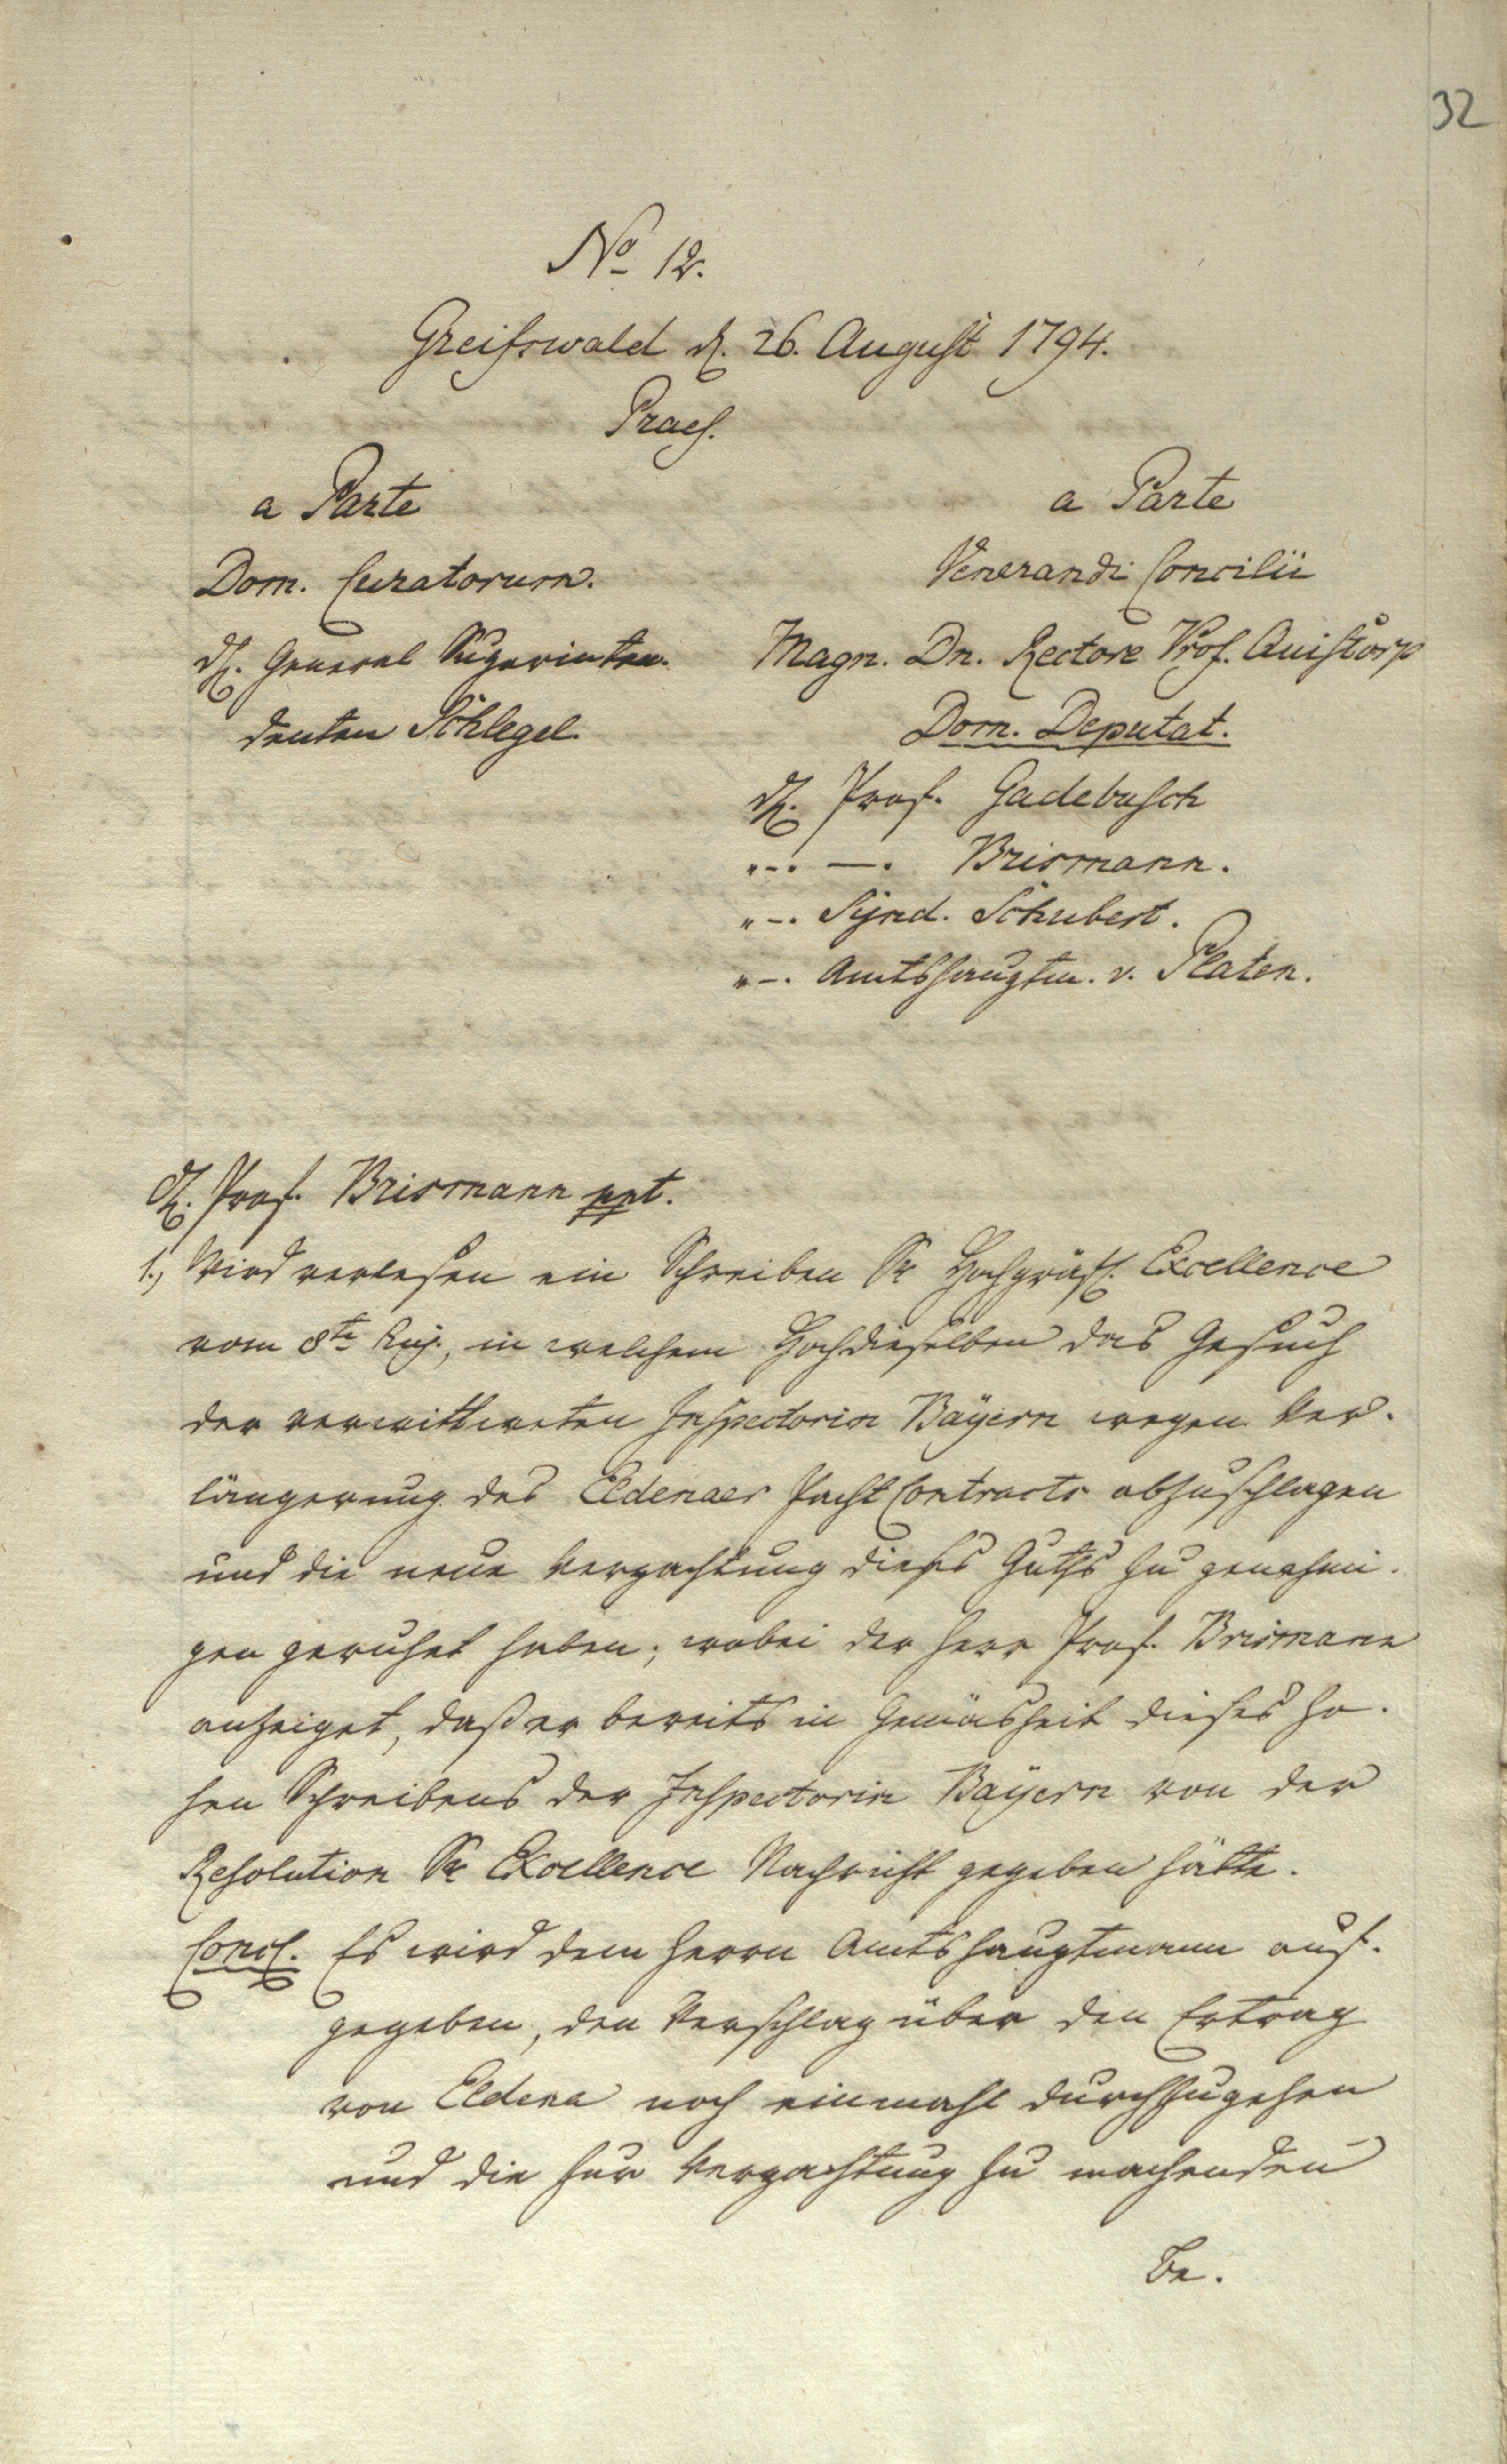No 12.
Greifswald d. 26. August 1794.
Praes.
a Parte a Parte
Dom. Curatorum. Venerandi Concilii
dh. General Superinten¬ Magn. Dn. Rector Prof. Quistorp
denten Schlegel. Dom. Deputat.
dh. Prof. Gadebusch
Brismann.
Sÿnd. Schubert.
Amtshauptm. v. Platen.
dh. Prof. Brismann ppt.
1, Wird verlesen ein Schreiben Sr Hochgräfl. Excellence
vom 8 t huj., in welchem Hochdieselben das Gesuch
der verwittweten Inspectori Baÿern wegen Ver¬
längerung des Eldenaer Pacht Contracts abzuschlagen
und die neue Verpachtung dieses Guths zu genehmi¬
gen geruhet haben; wobei der Herr Prof. Brismann
anzeiget, daß er bereits in Gemäsheit dieses ho¬
hen Schreibens der Inspectorin Baÿern von der
Resolution Sr Excellence Nachricht gegeben hätte.
Concl. Es wird dem Herrn Amtshauptmann auf¬
gegeben, den Verschlag über den Ertrag
von Eldena noch einmahl durchzugehen
und die zur Verpachtung zu machenden
Be.